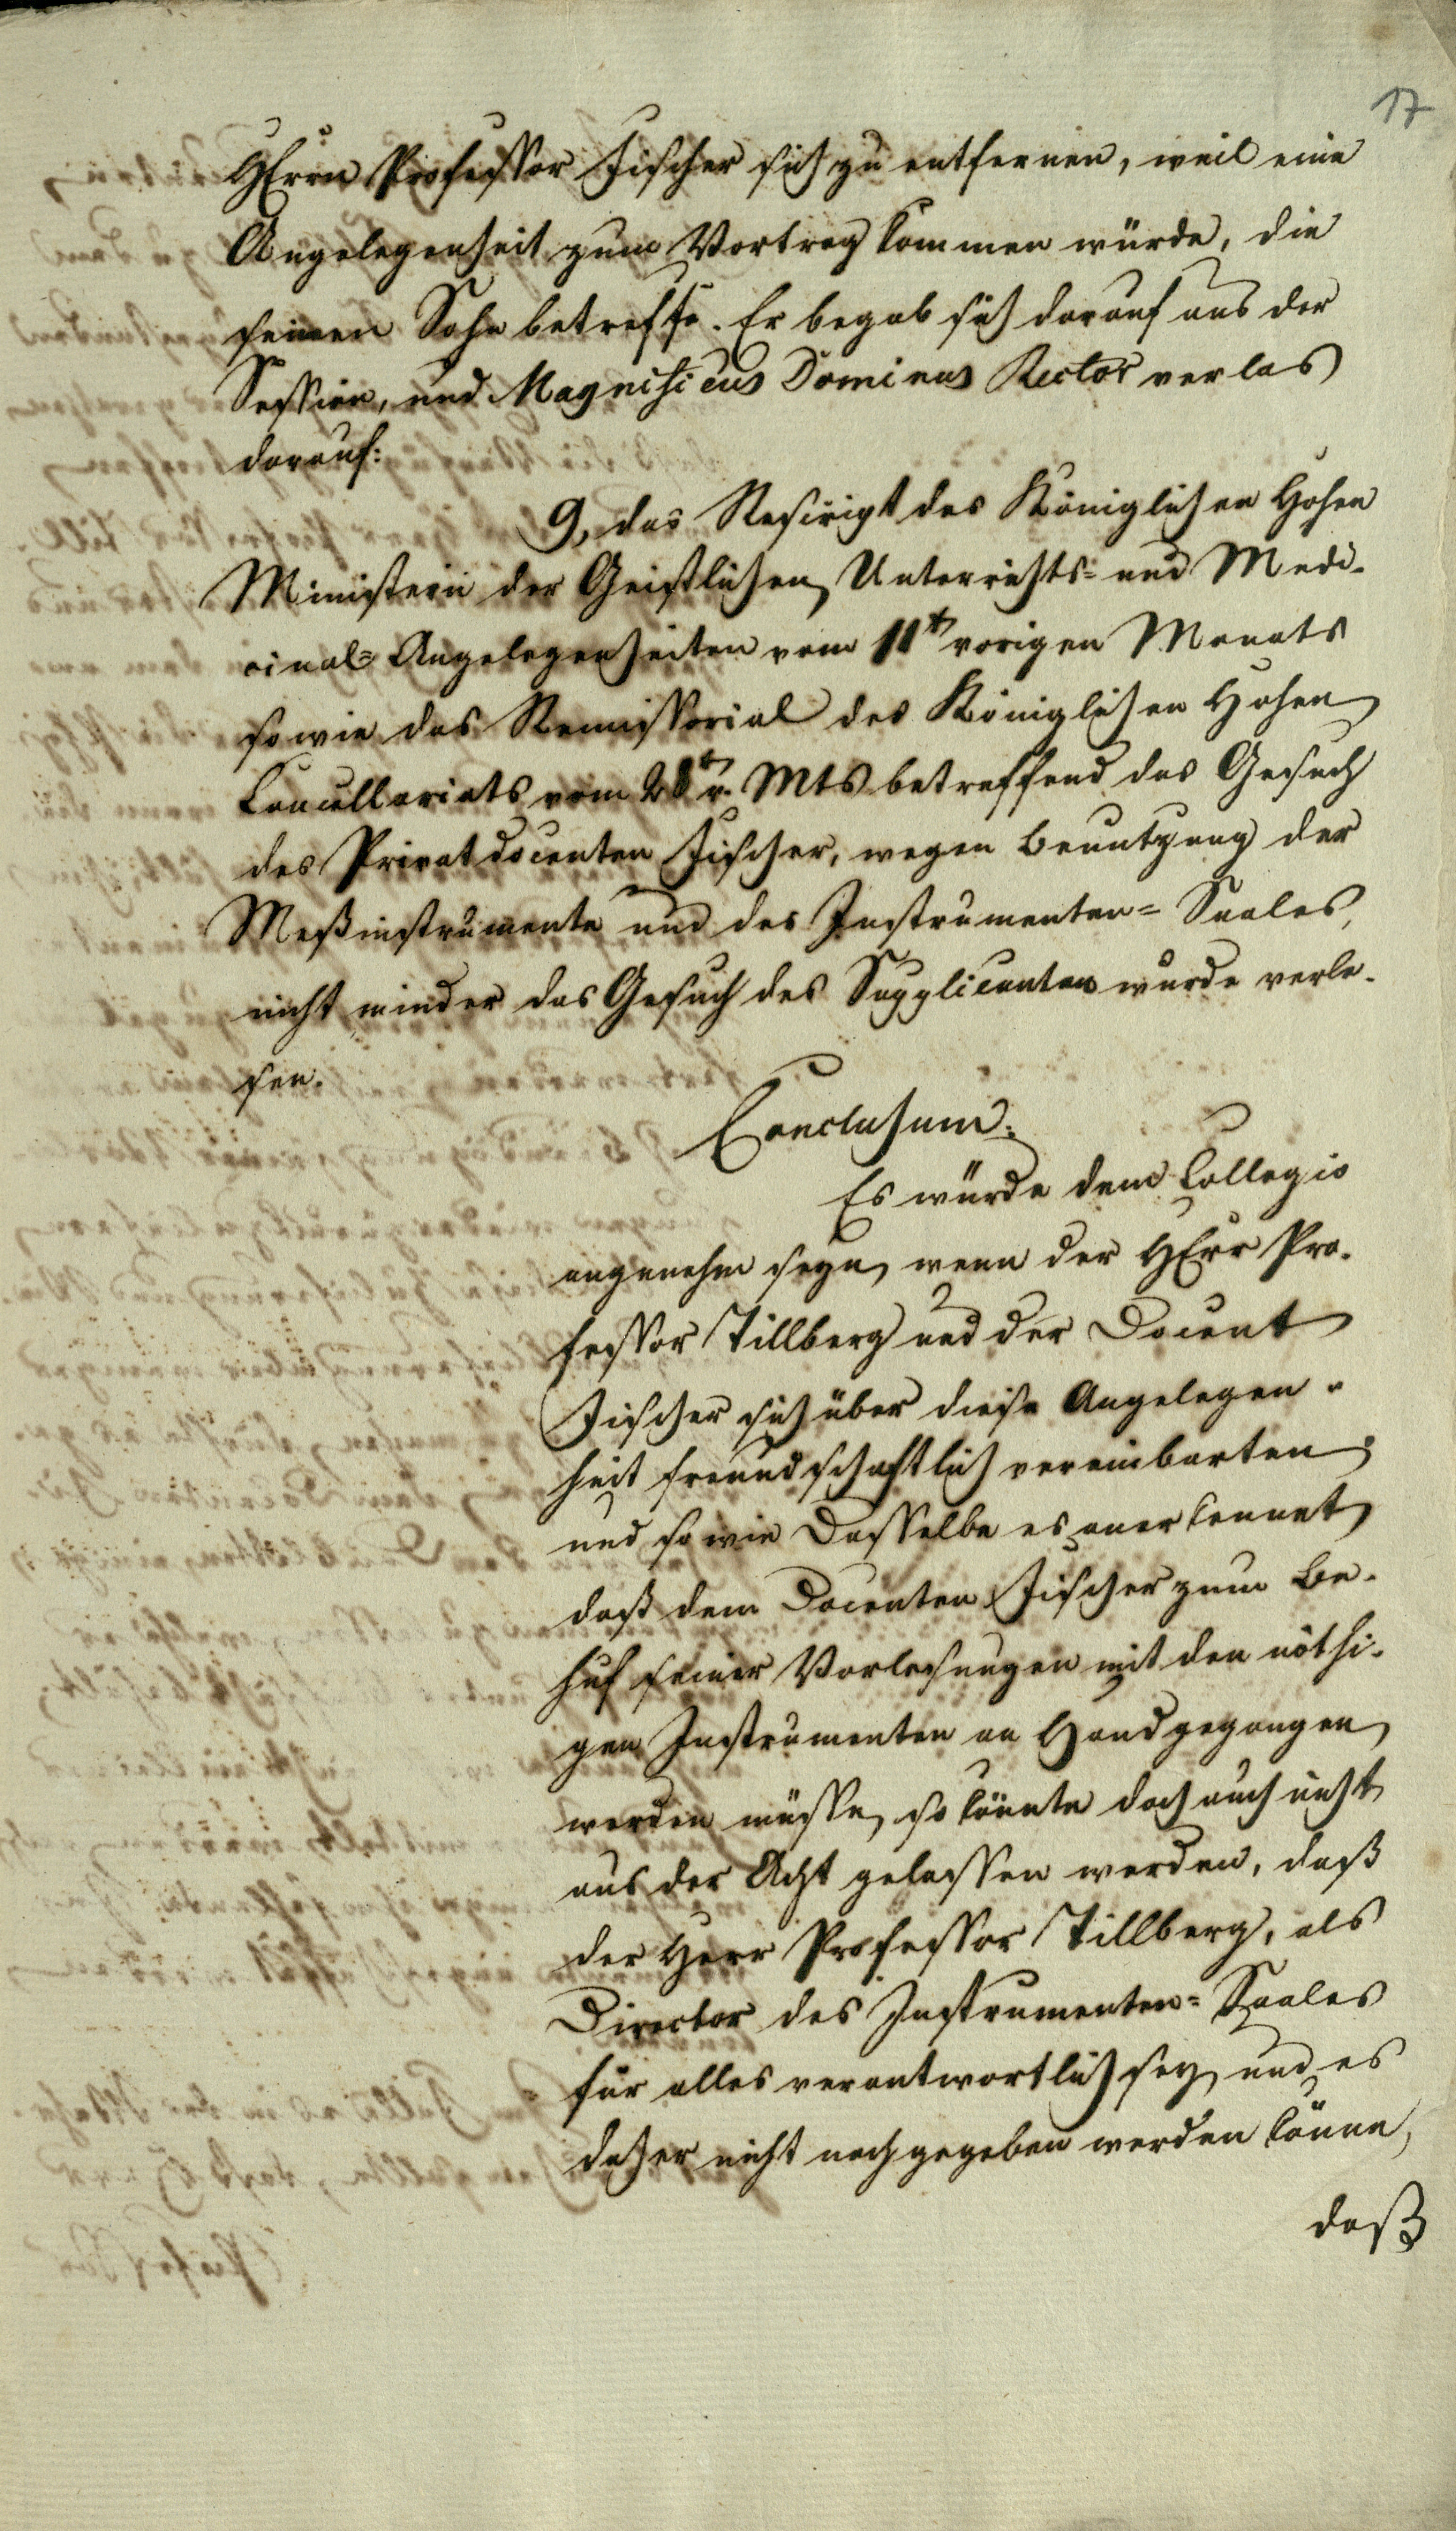Herrn Professor Fischer sich zu entfernen, weil eine
Angelegenheit zum Vortrag kommen würde, die
seinen Sohn betreffe. Er begab sich darauf aus der
Session, und Magnificus Dominus Rector verlas
darauf:
9, das Rescript des Königlichen Hohen
Ministerii der Geistlichen, Unterrichts und Medi¬
cinal Angelegenheiten vom 11 t vorigen Monats
so wie das Remissorial des Königlichen Hohen
Cancellariats vom 28 t v. Mts betreffend das Gesuch
des Privatdocenten Fischer, wegen Benutzung der
Meßinstrumente und des Instrumenten- Saales
nicht minder das Gesuch des Supplicanten wurde verle¬
sen.
Conclusum:
Es würde dem Collegio
angenehm seyn, wenn der Herr Pro¬
fessor Tillberg und der Docent
Fischer sich über diese Angelegen¬
heit freundschaftlich vereinbarten;
und so wie Dasselbe es anerkennet,
daß dem Docenten Fischer zum Be¬
huf seiner Vorlesungen mit den nöthi¬
gen Instrumenten an Handgegangen
werden müsse, so könnte doch auch nicht
aus der Acht gelassen werden, daß
der Herr Professor Tillberg, als
Director des Instrumenten- Saales
für alles verantwortlich sey und es
daher nicht nachgegeben werden könne,
daß